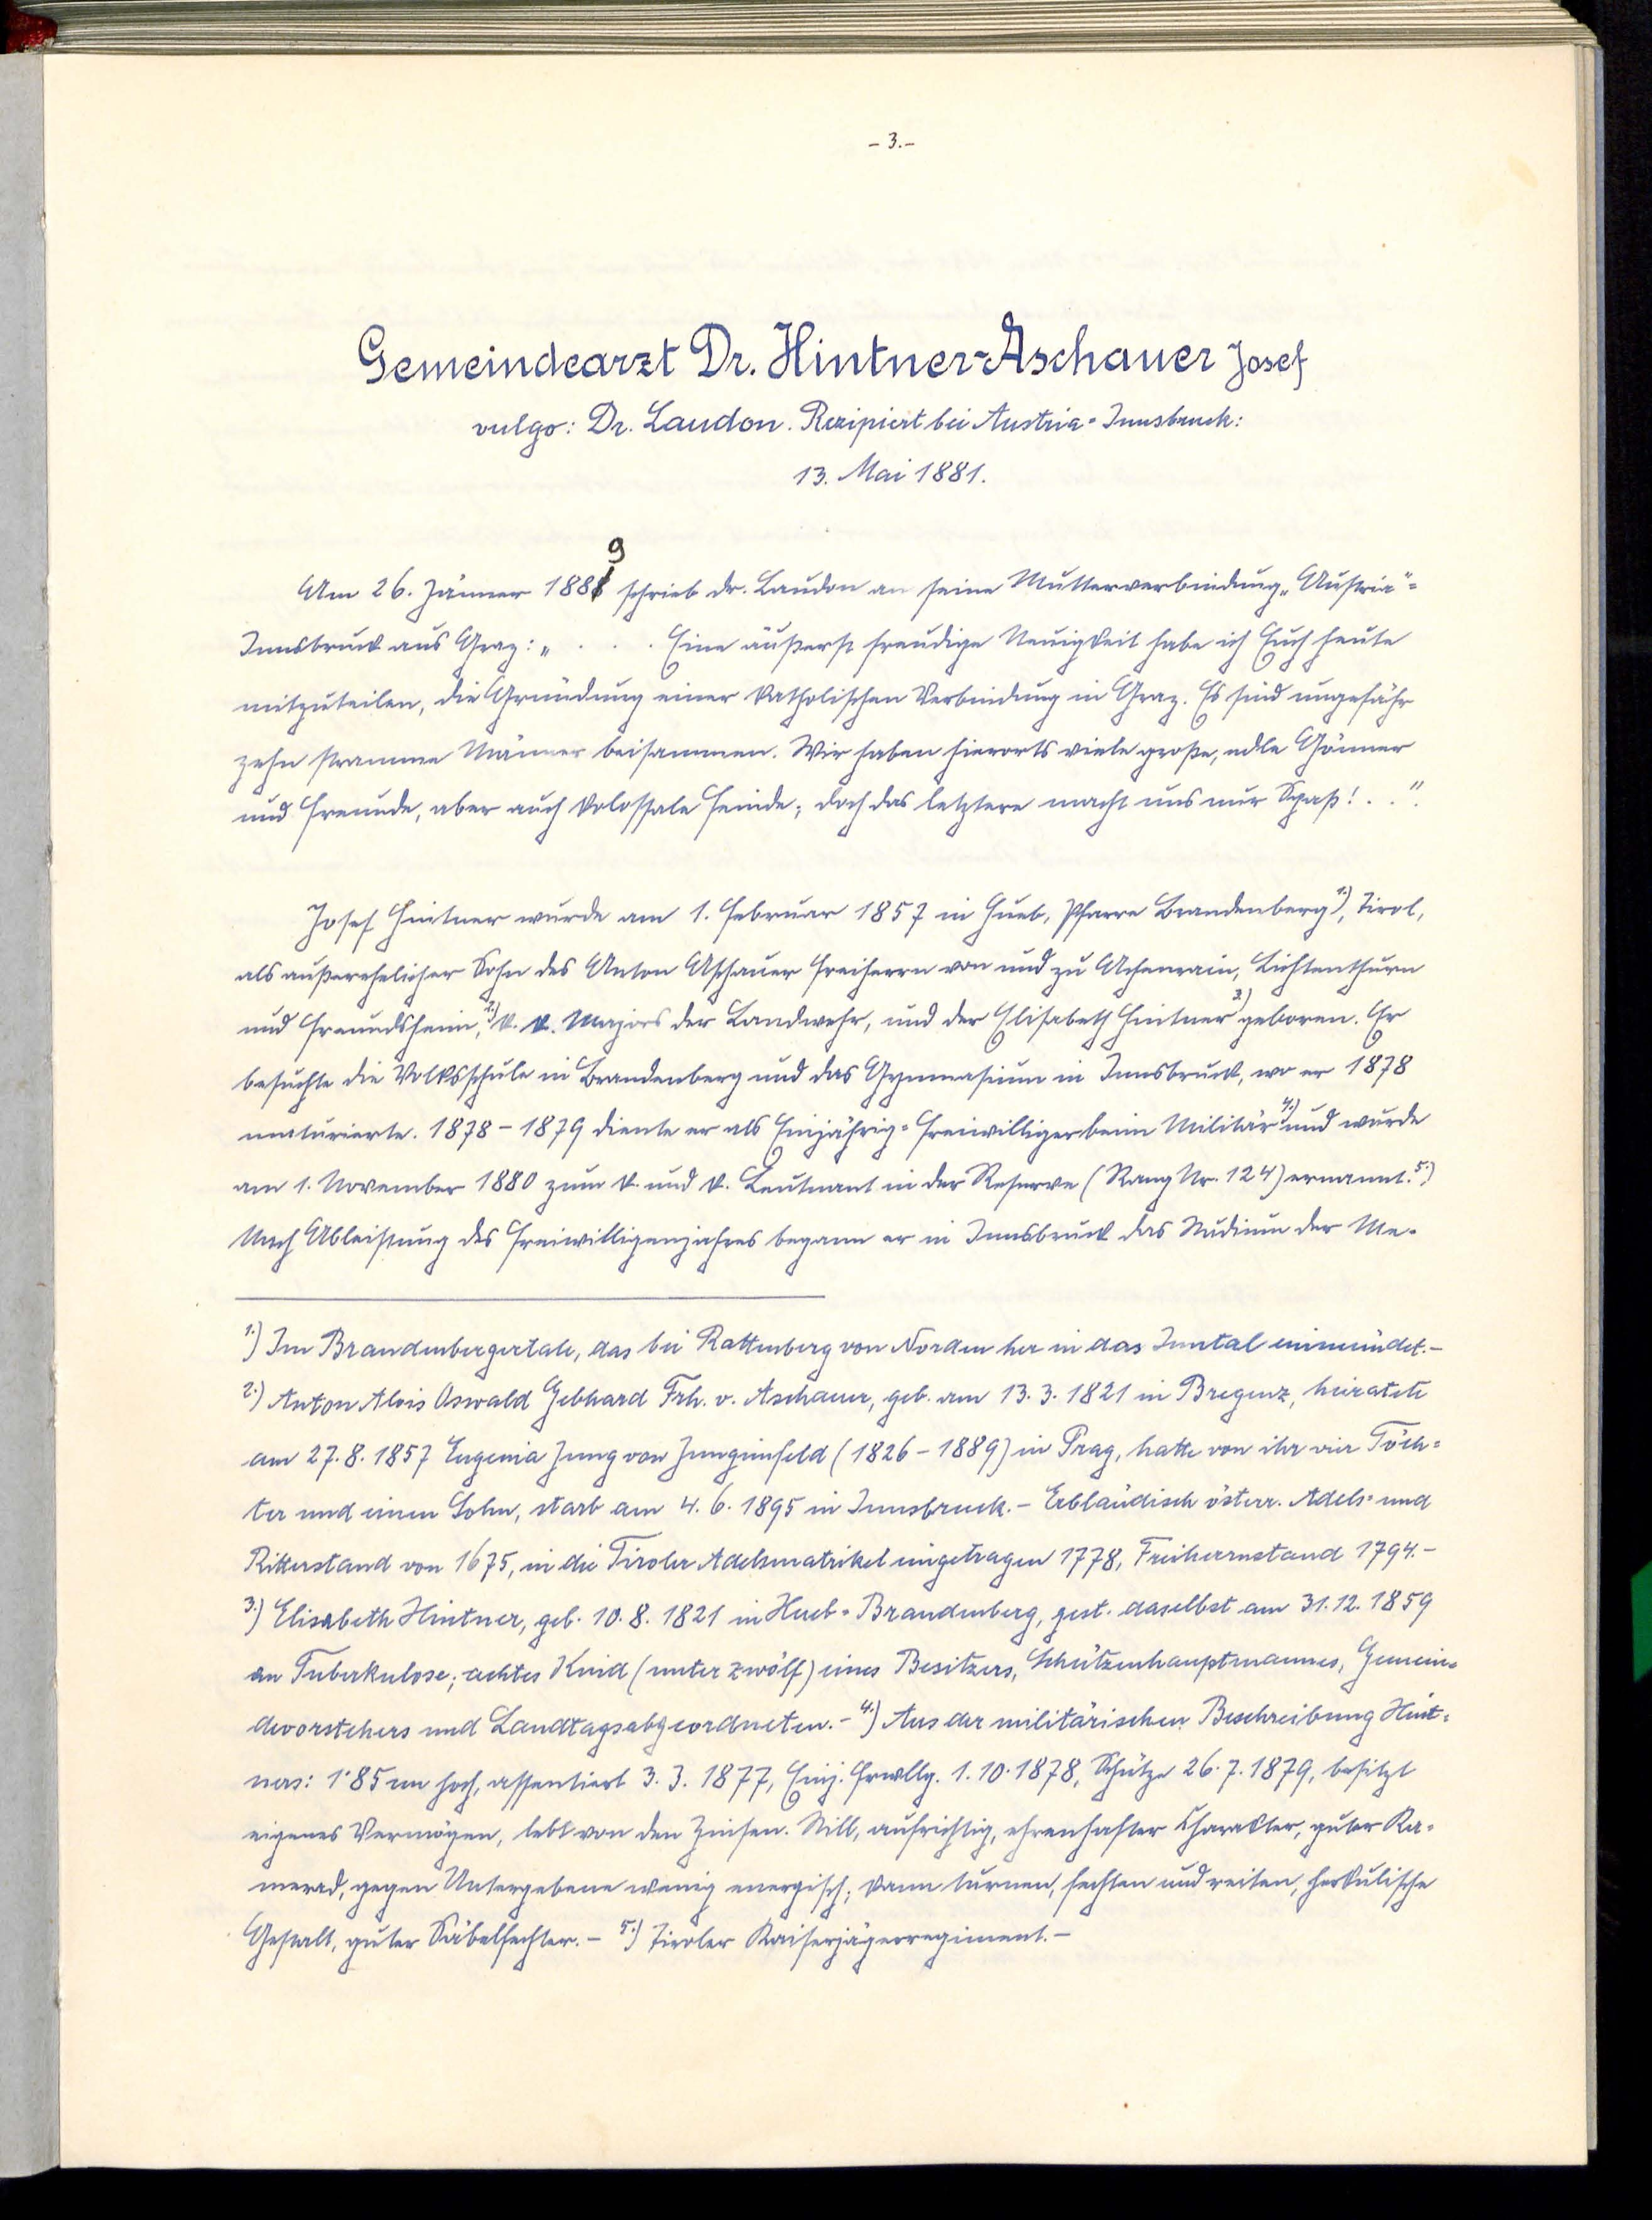3.
Gemeindearzt Dr. Hintner-Aschauer Josef
vulgo: Dr. Laudon. Rezipiert bei Austria-Innsbruck:
13. Mai 1881
Am 26. Jänner 1889 schrieb Dr. Laudon an seine Mutterverbindung „Austria“=
Innsbruck aus Graz:
Eine äußerst freudige Neuigkeit habe ich Euch heute
mitzuteilen, die Gründung einer katholischen Verbindung in Graz. Es sind ungefähr
zehn stramme Männer beisammen. Wir haben hierorts viele grosse, edle Gönner
und Freunde, aber euch kolossale Feinde; doch das letzteren macht uns nur Spaß!
Josef Hintner wurde am 1. Februar 1857 in Hueb, Pfarre Brandenberg 1.), Tirol,
als außerehelicher Sohn des Anton Aschauer Freiherrn von und zu Achenrain, Lichtenthurn
und Freundsheim, 2.) k. k. Major der Landwehr und der Elisabeth Hintner 3.) geboren. Er
besuchte die Volksschule in Brandenberg und das Gymnasium in Innsbruck, wo er 1878
maturierte. 1878-1879 diente er als Einjährig-Freiwilliger beim Militär 4.) und wurde
am 1. November 1880 zum k. und k. Leutnant in der Reserve (Rang Nr. 124) ernannt. 5.)
Nach Ableistung des Freiwilligenjahres begann er in Innsbruck das Studium der Med.
1.) Im Brandenbergertale, das bei Rattenberg von Norden her in das Inntal einmündet.
2.) Anton Alois Oswald Gebhard Frh. v. Aschauer, geb. am 13. 3. 1821 in Bregenz, heiratete
am 27. 8. 1857 Eugenia Jung von Junginsfeld (1826 - 1889) in Prag, hatte von ihre vier Töch-
ter und einen Sohn, starb am 4. 6. 1895 in Innsbruck. - Erblandisch österr. Adels- und
Ritterstand von 1675, in der Tiroler Adelsmatrikel eingetragen 1778, Freiherrnstand 1794.-
3.) Elisabeth Hintner, geb. 10. 8. 1821 in Hueb-Brandenberg, gest. daselbst am 31.12.1859
an Tuberkulose; achtes Kind (unter zwölf) eines Besitzers,
Schützenhauptmannes, Gemein-
devorstehers und Landtagsabgeordneten. - 4.) Aus der militärischen Beschreibung Hint-
ners: 1'85 cm hoch, assentierd 3. 3. 1877, Einj. Frwllg. 1. 10. 1878, Schütze 26. 7. 1879, besitzt
eigenes Vermögen, lebt von den Zinsen. Still, aufrichtig, ehrenhafter Charakter, guter Ka-
merad, gegen Untergebene wenig energisch; kann turnen fechten und reiten, herkulische
Gestalt, guter Säbelfechter. - 5.) Tiroler Kaiserjägerregiment.-